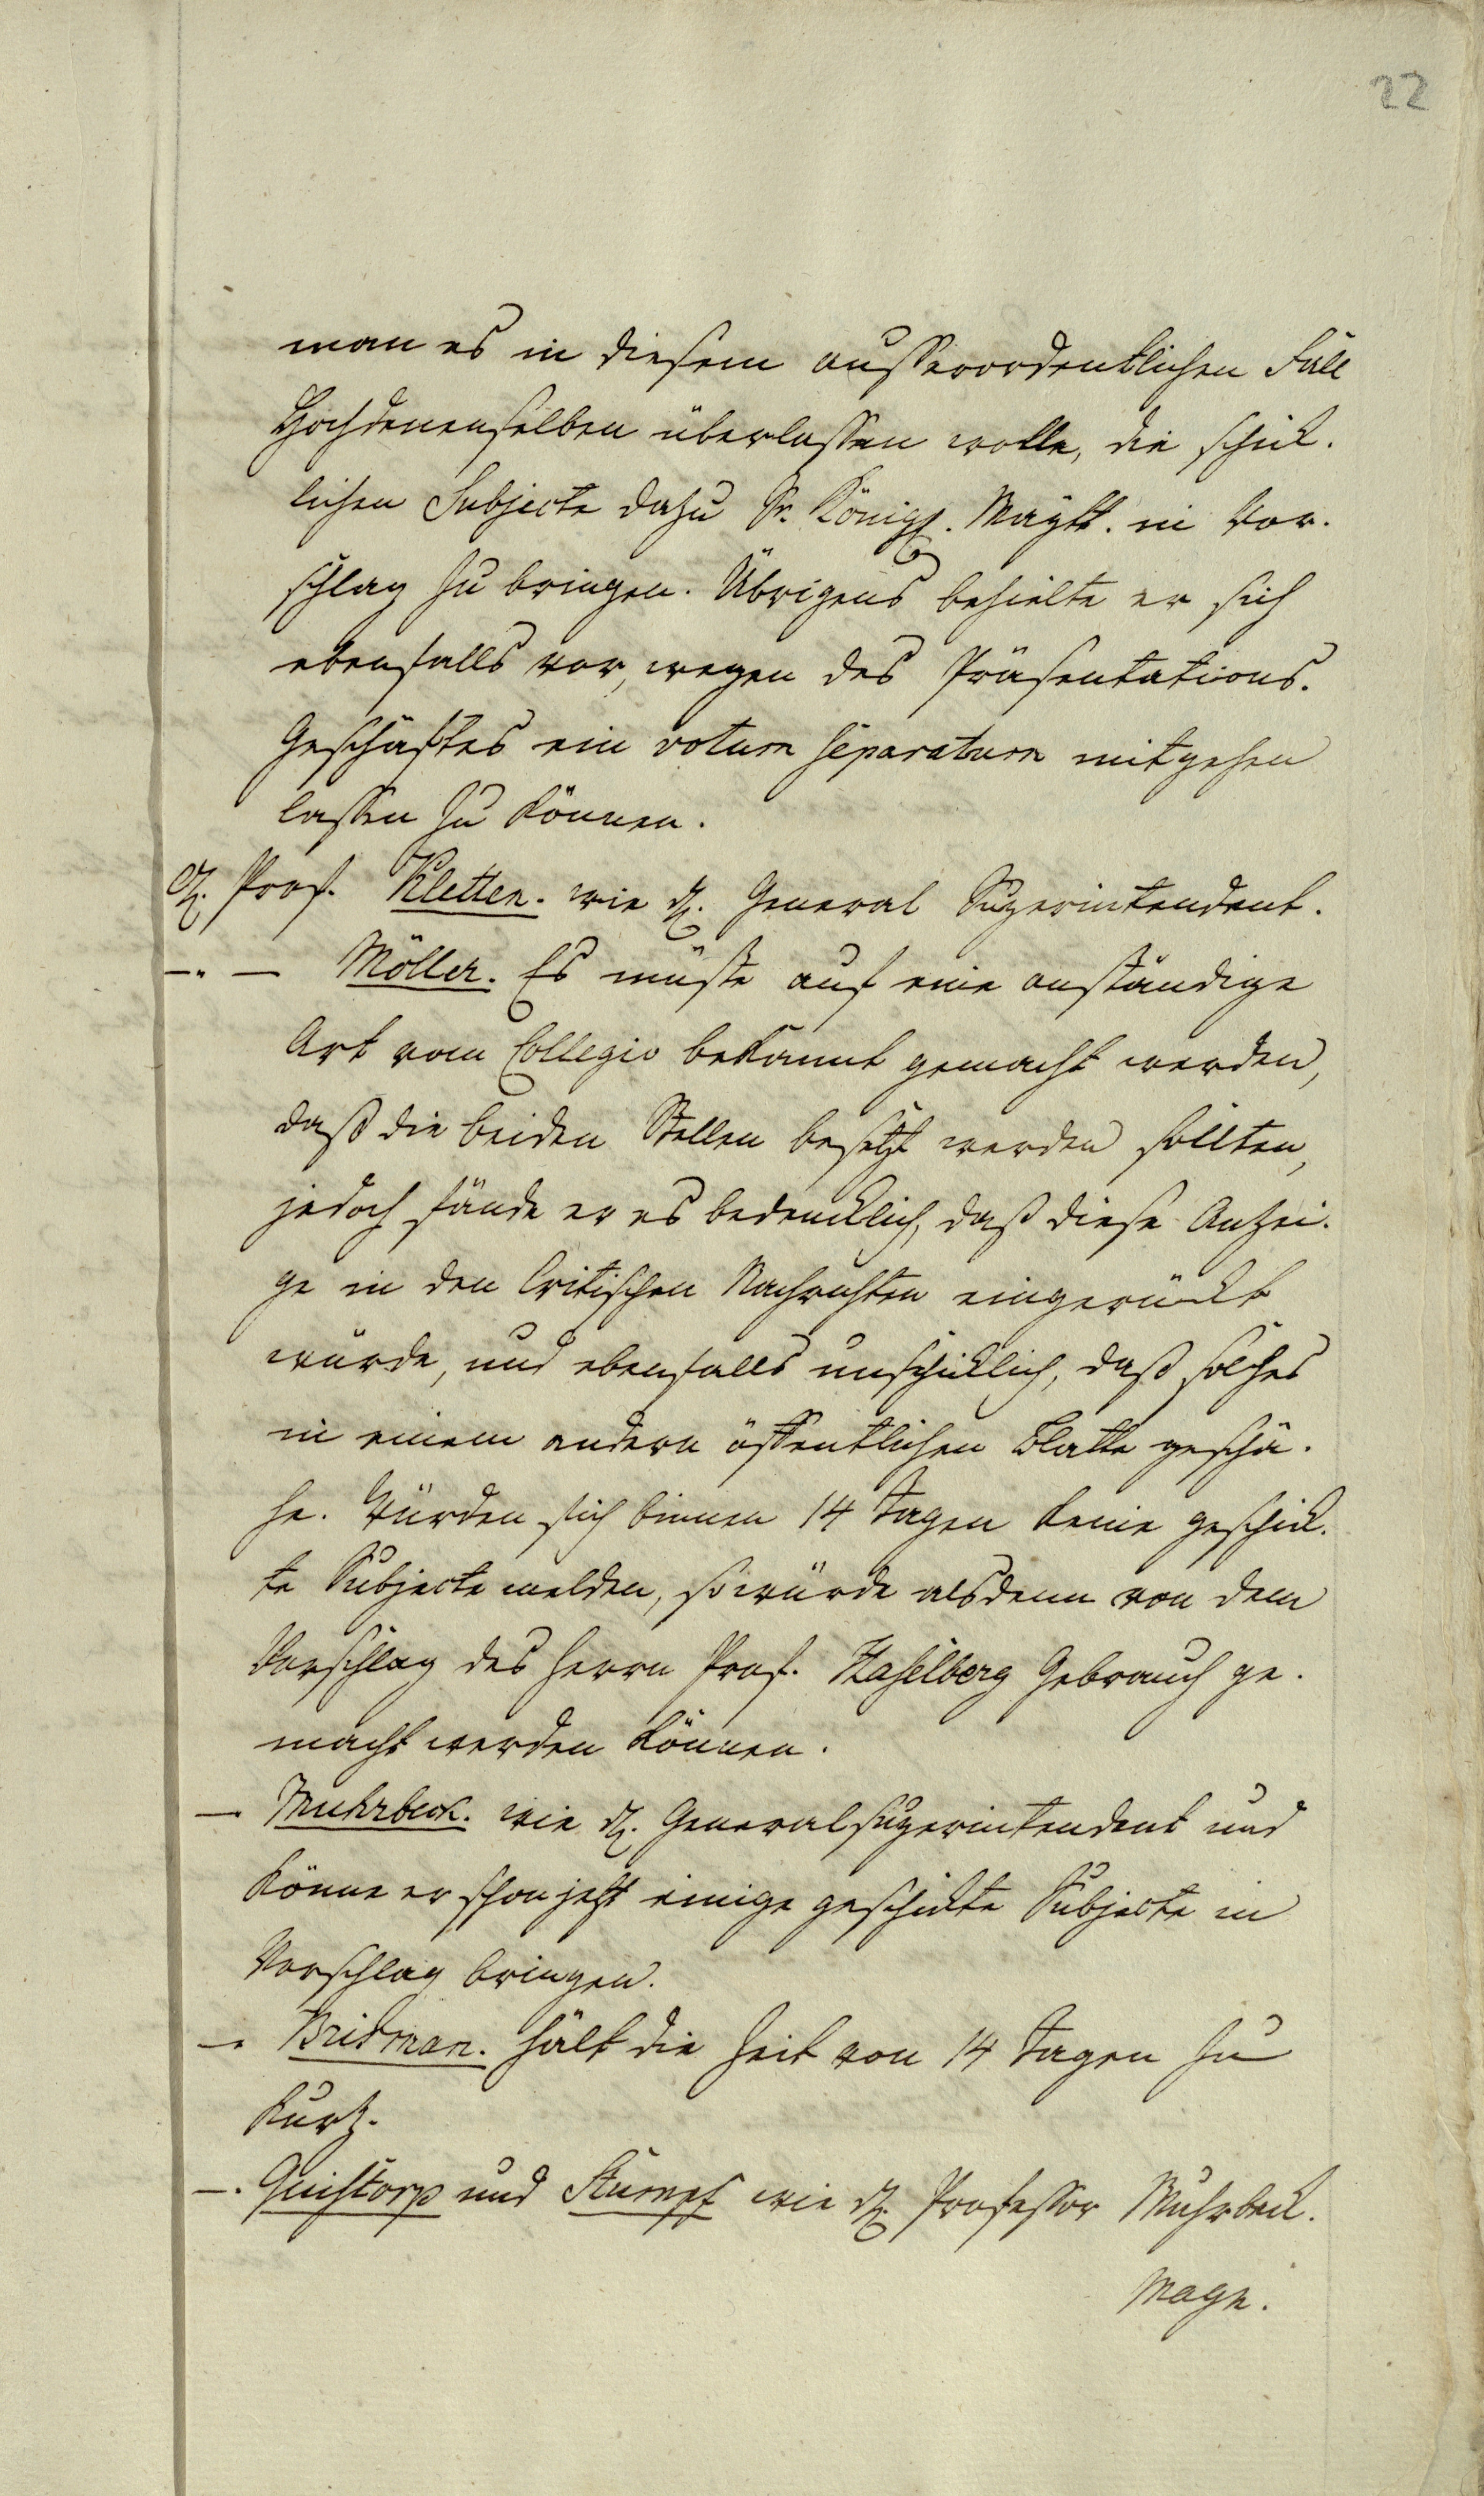man es in diesem ausserordentlichen Fall
Hochdenenselben überlassen wolle, die schick¬
lichen Subjecte dazu Sr. Königl. Maÿst. in Vor¬
schlag zu bringen. Übrigens behielte er sich
ebenfalls vor, wegen des Präsentations
Geschäftes ein Votum separatum mitgehen
lassen zu können.
dh. Prof. Kletten. wie dh. General Superintendent.
— " — . Möller. Es müßte auf eine anständige
Art vom Collegio bekannt gemacht werden,
daß die beiden Stellen besetzt werden sollten,
jedoch fände er es bedenklich, daß diese Anzei¬
ge in den Critischen Nachrichten eingerückt
würde, und ebenfalls unschicklich, daß solches
in einem andern öffentlichen Blatte geschä¬
he. Würden sich binnen 14 Tagen keine geschick¬
te Subjecte melden, so würde alsdann von dem
Vorschlag des Herrn Prof. Haselberg Gebrauch ge¬
macht werden können.
— . Muhrbeck. wie dh. Generalsuperintendent und
könne er schon jetzt einige geschickte Subjecte in
Vorschlag bringen.
— . Brisman. Hält die Zeit von 14 Tagen zu
kurtz.
— . Quistorp und Stumpf wie dh. Prof. Muhrbeck.
Magn.